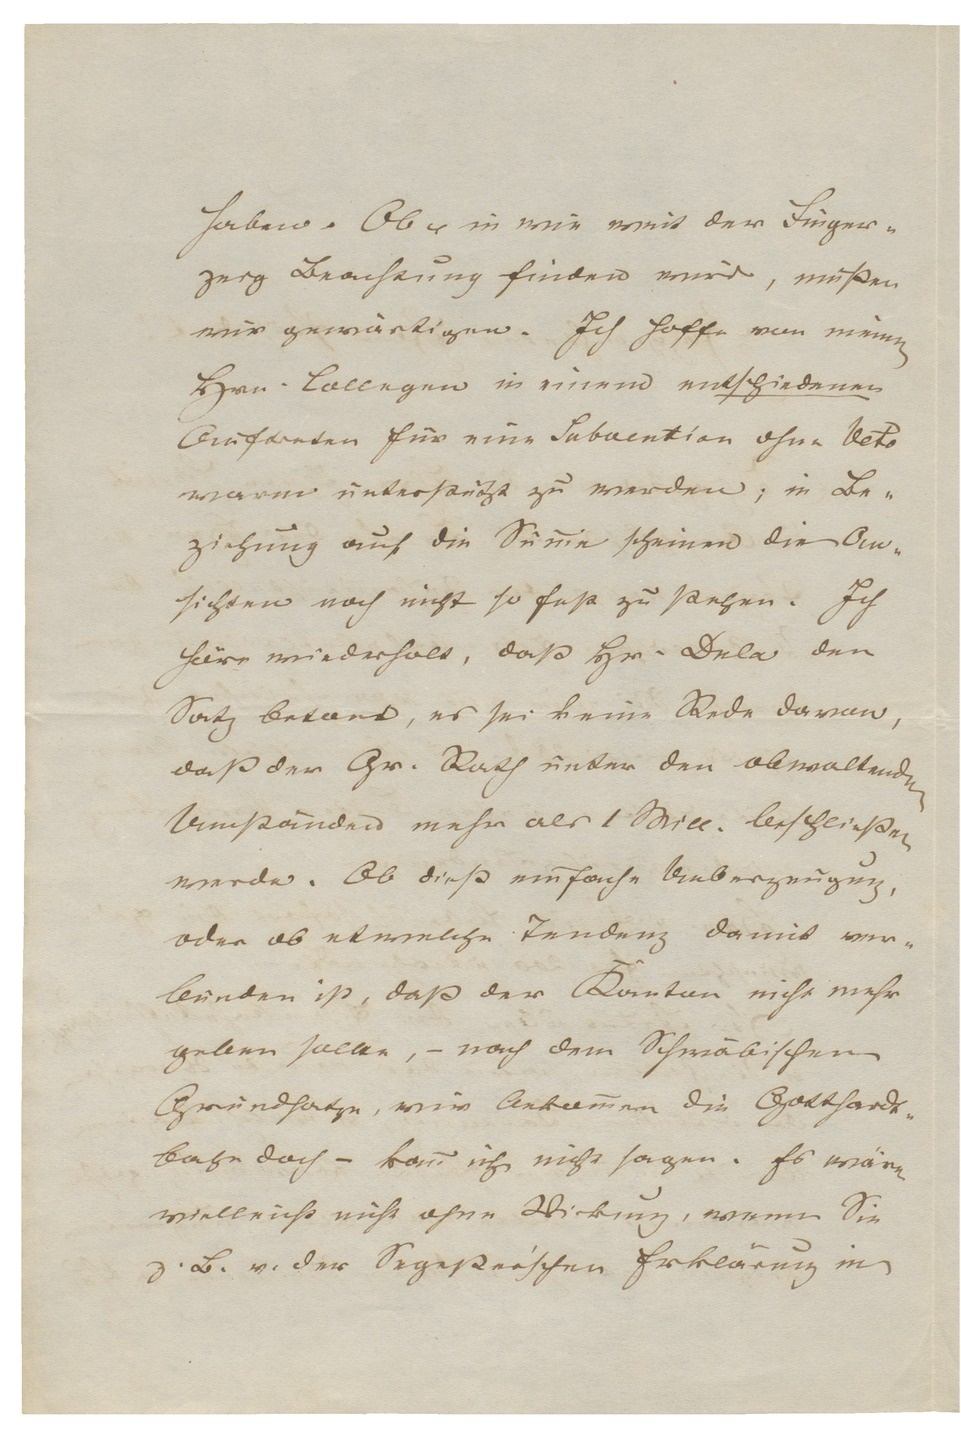haben. Ob & in wie weit der Finger-
zeig Beachtung finden wird, müßen
wir gewärtigen. Ich hoffe von meinen
Hrn. Collegen in einem entschiedenen
Auftreten für eine Subvention ohne Veto
warm unterstützt zu werden; in Be-
ziehung auf die Summe scheinen die An-
sichten noch nicht so fest zu stehen. Ich
höre wiederholt, daß Hr. Dula den
Satz betont, es sei keine Rede davon,
daß der Gr. Rath unter den obwaltenden
Umständen mehr als 1 Mill. beschließen
werde. Ob dieß einfache Ueberzeugung,
oder ob etwelche Tendenz damit ver-
bunden ist, daß der Kanton nicht mehr
geben sollte, – nach dem Schwäbischen
Grundsatze, wir bekommen die Gotthardt -
bahn doch – kann ich nicht sagen Es wäre
vielleicht nicht ohne Wirkung, wenn Sie
z. B. v. der Segeßer'schen Erklärung in